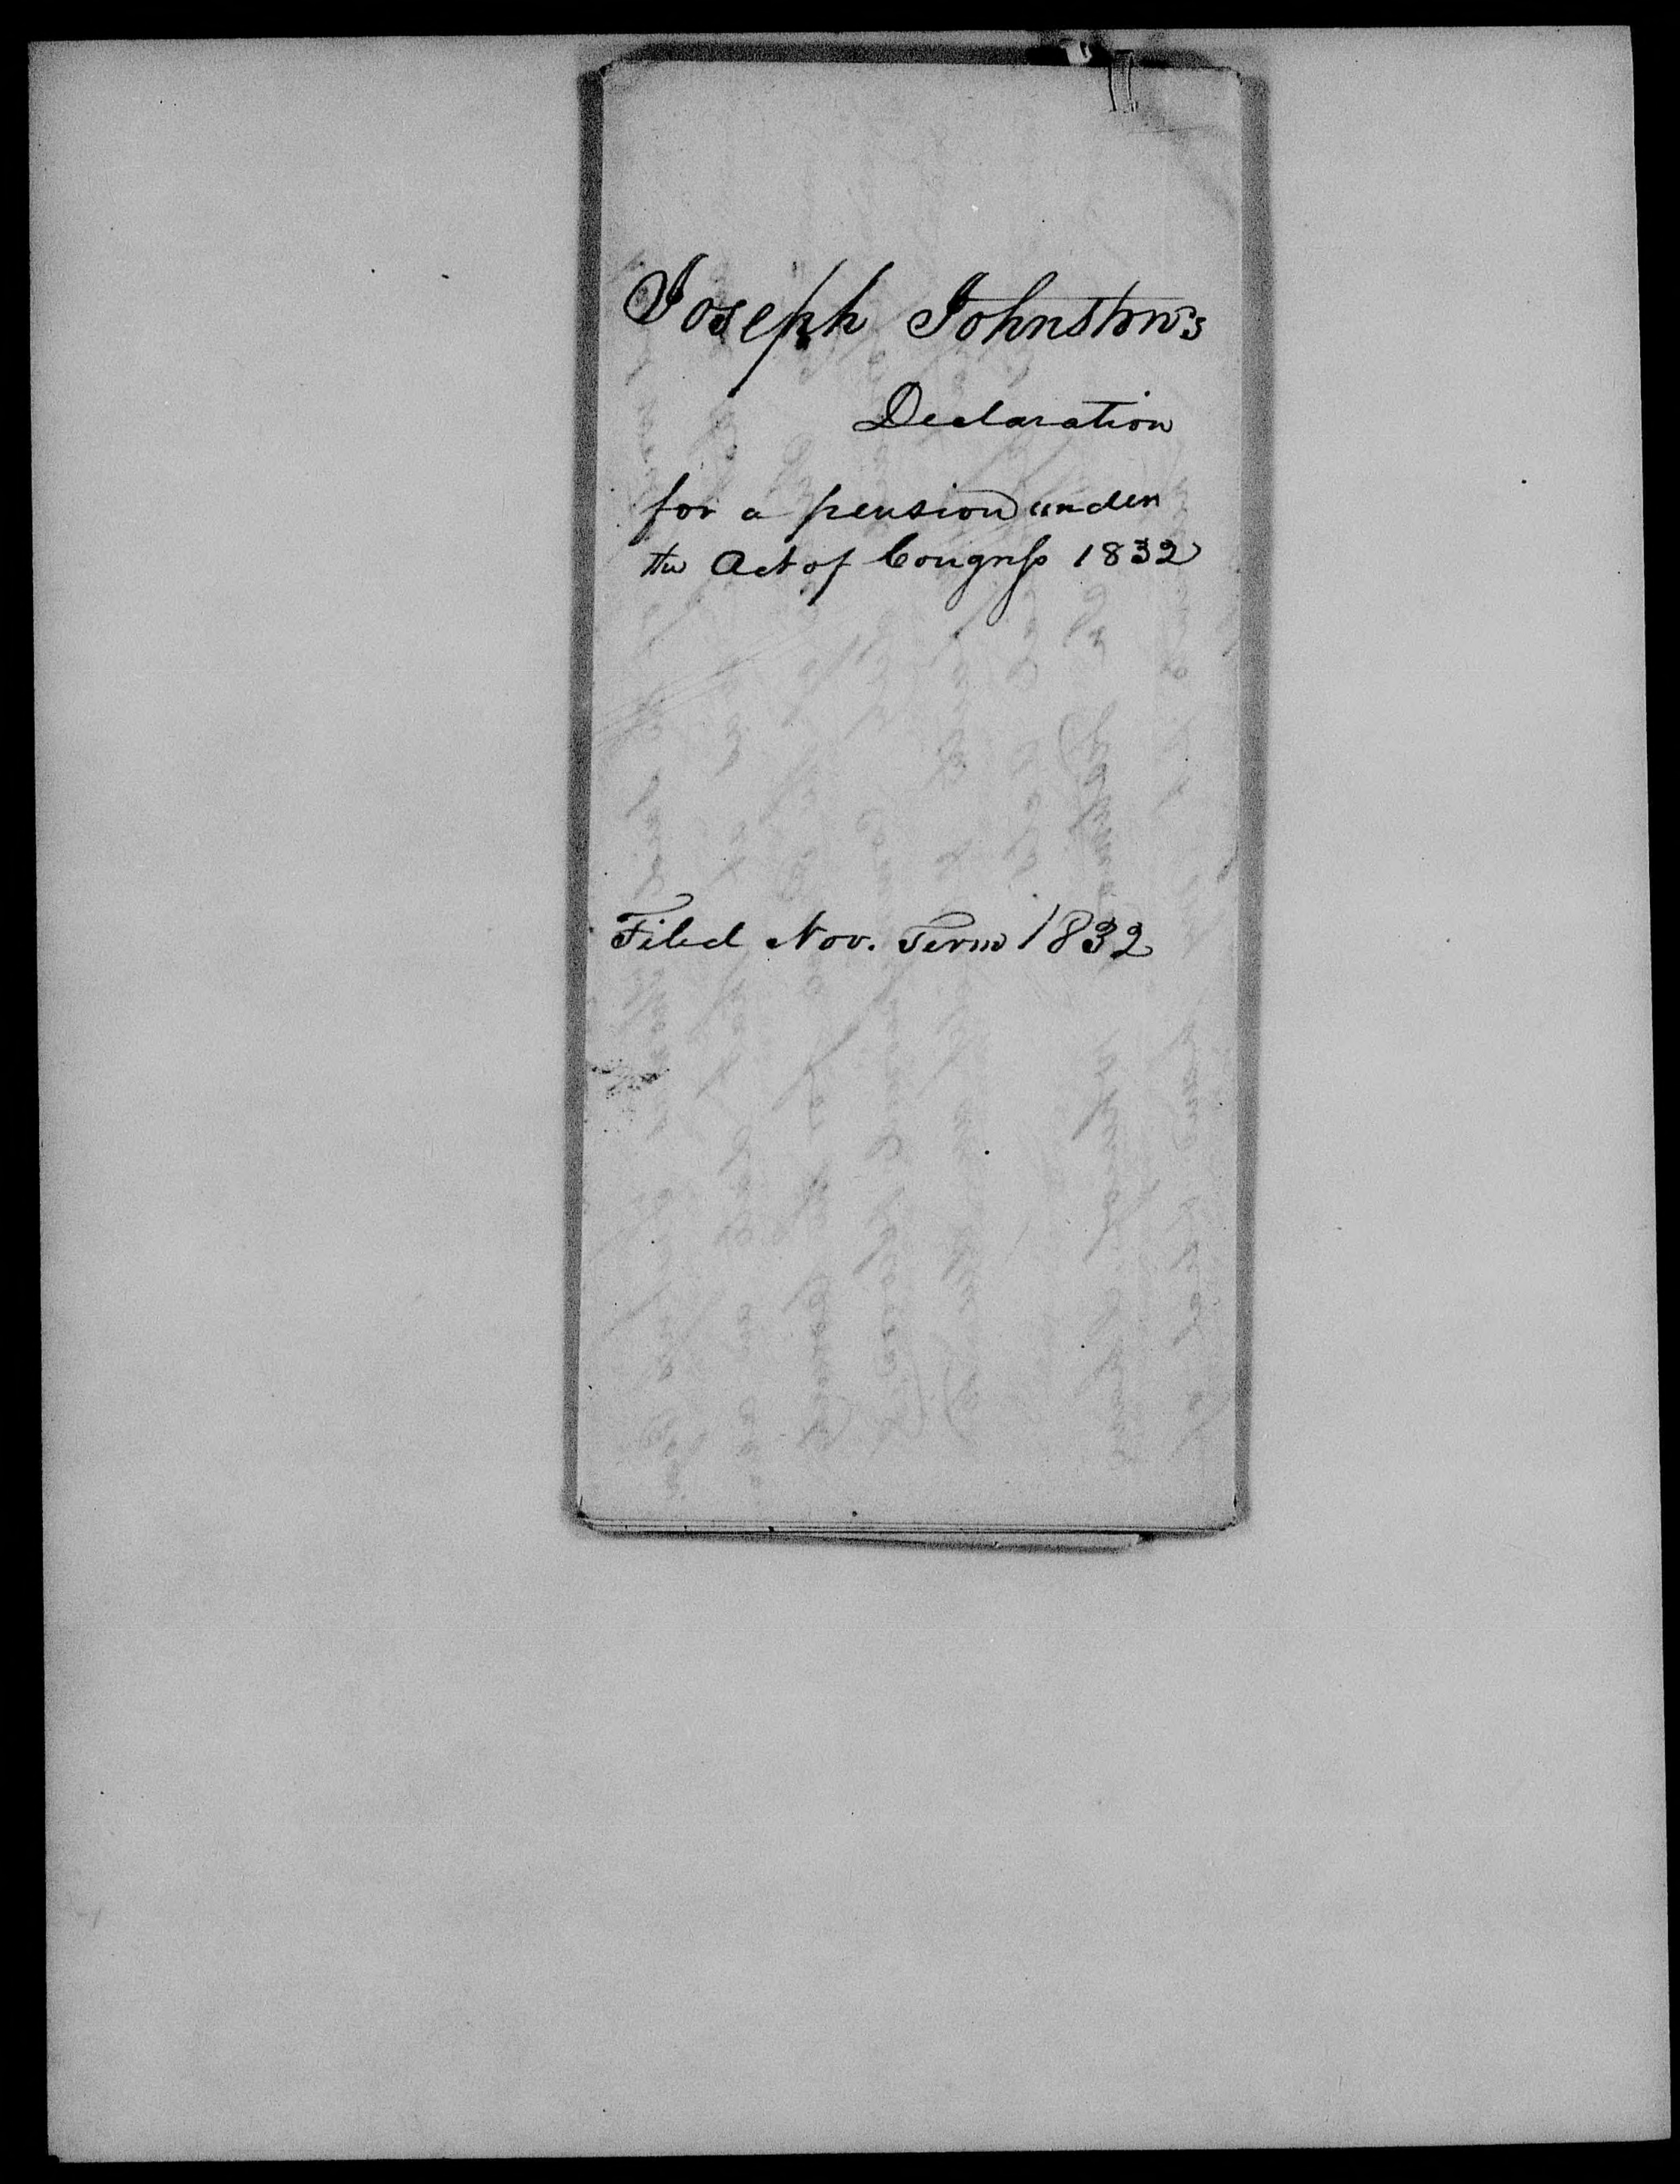Joseph Johnston’s
Declaration
for a pension under the Act of Congress 1832

Filed Nov. Term 1832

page: 9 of 41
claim: widow's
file: W. 5033, for Joseph Johnston, North Carolina